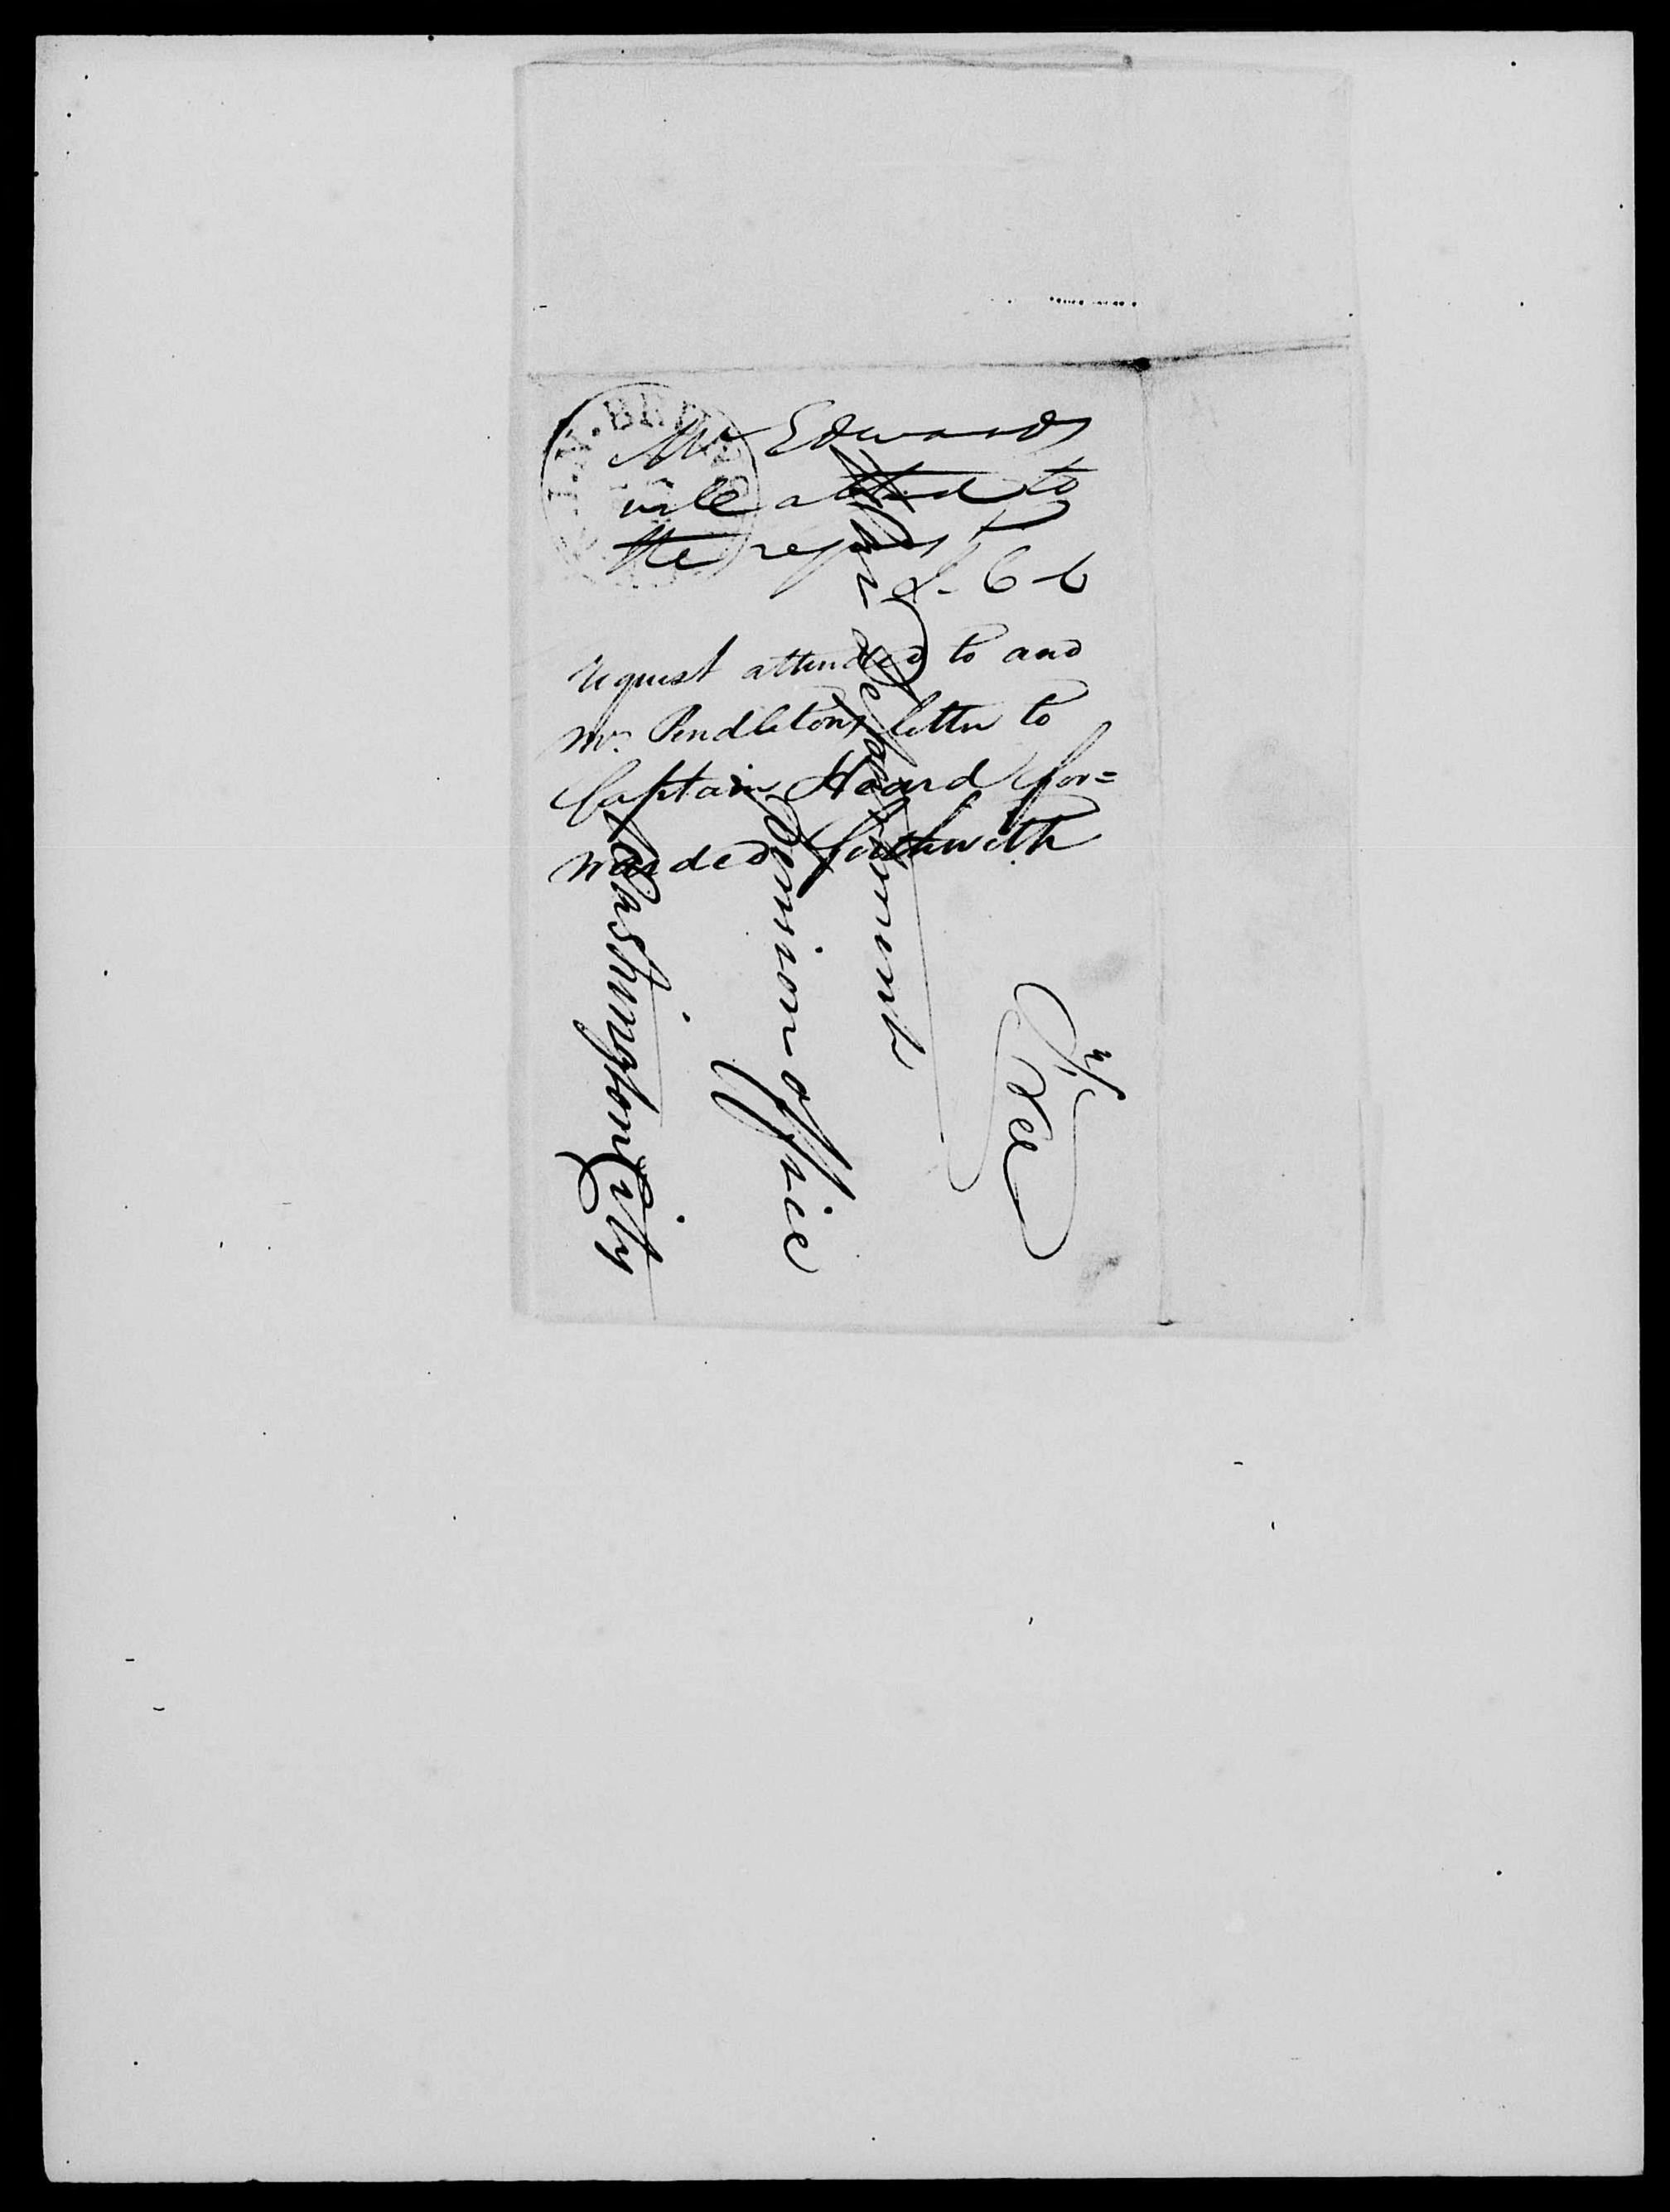[Stamped, round, containing: N.J. N. B[

Mr Edwards will attend to the request S.C.L.
request attended to and W. Pendleton letter to Captain Heard forwarded forthwith
Free
War Department
Pension Office
Washington City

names: Heard, Edwards, Pendleton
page: 46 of 62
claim: survivor's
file: S. 540, James Heard, Continental - New Jersey Residence In 1818